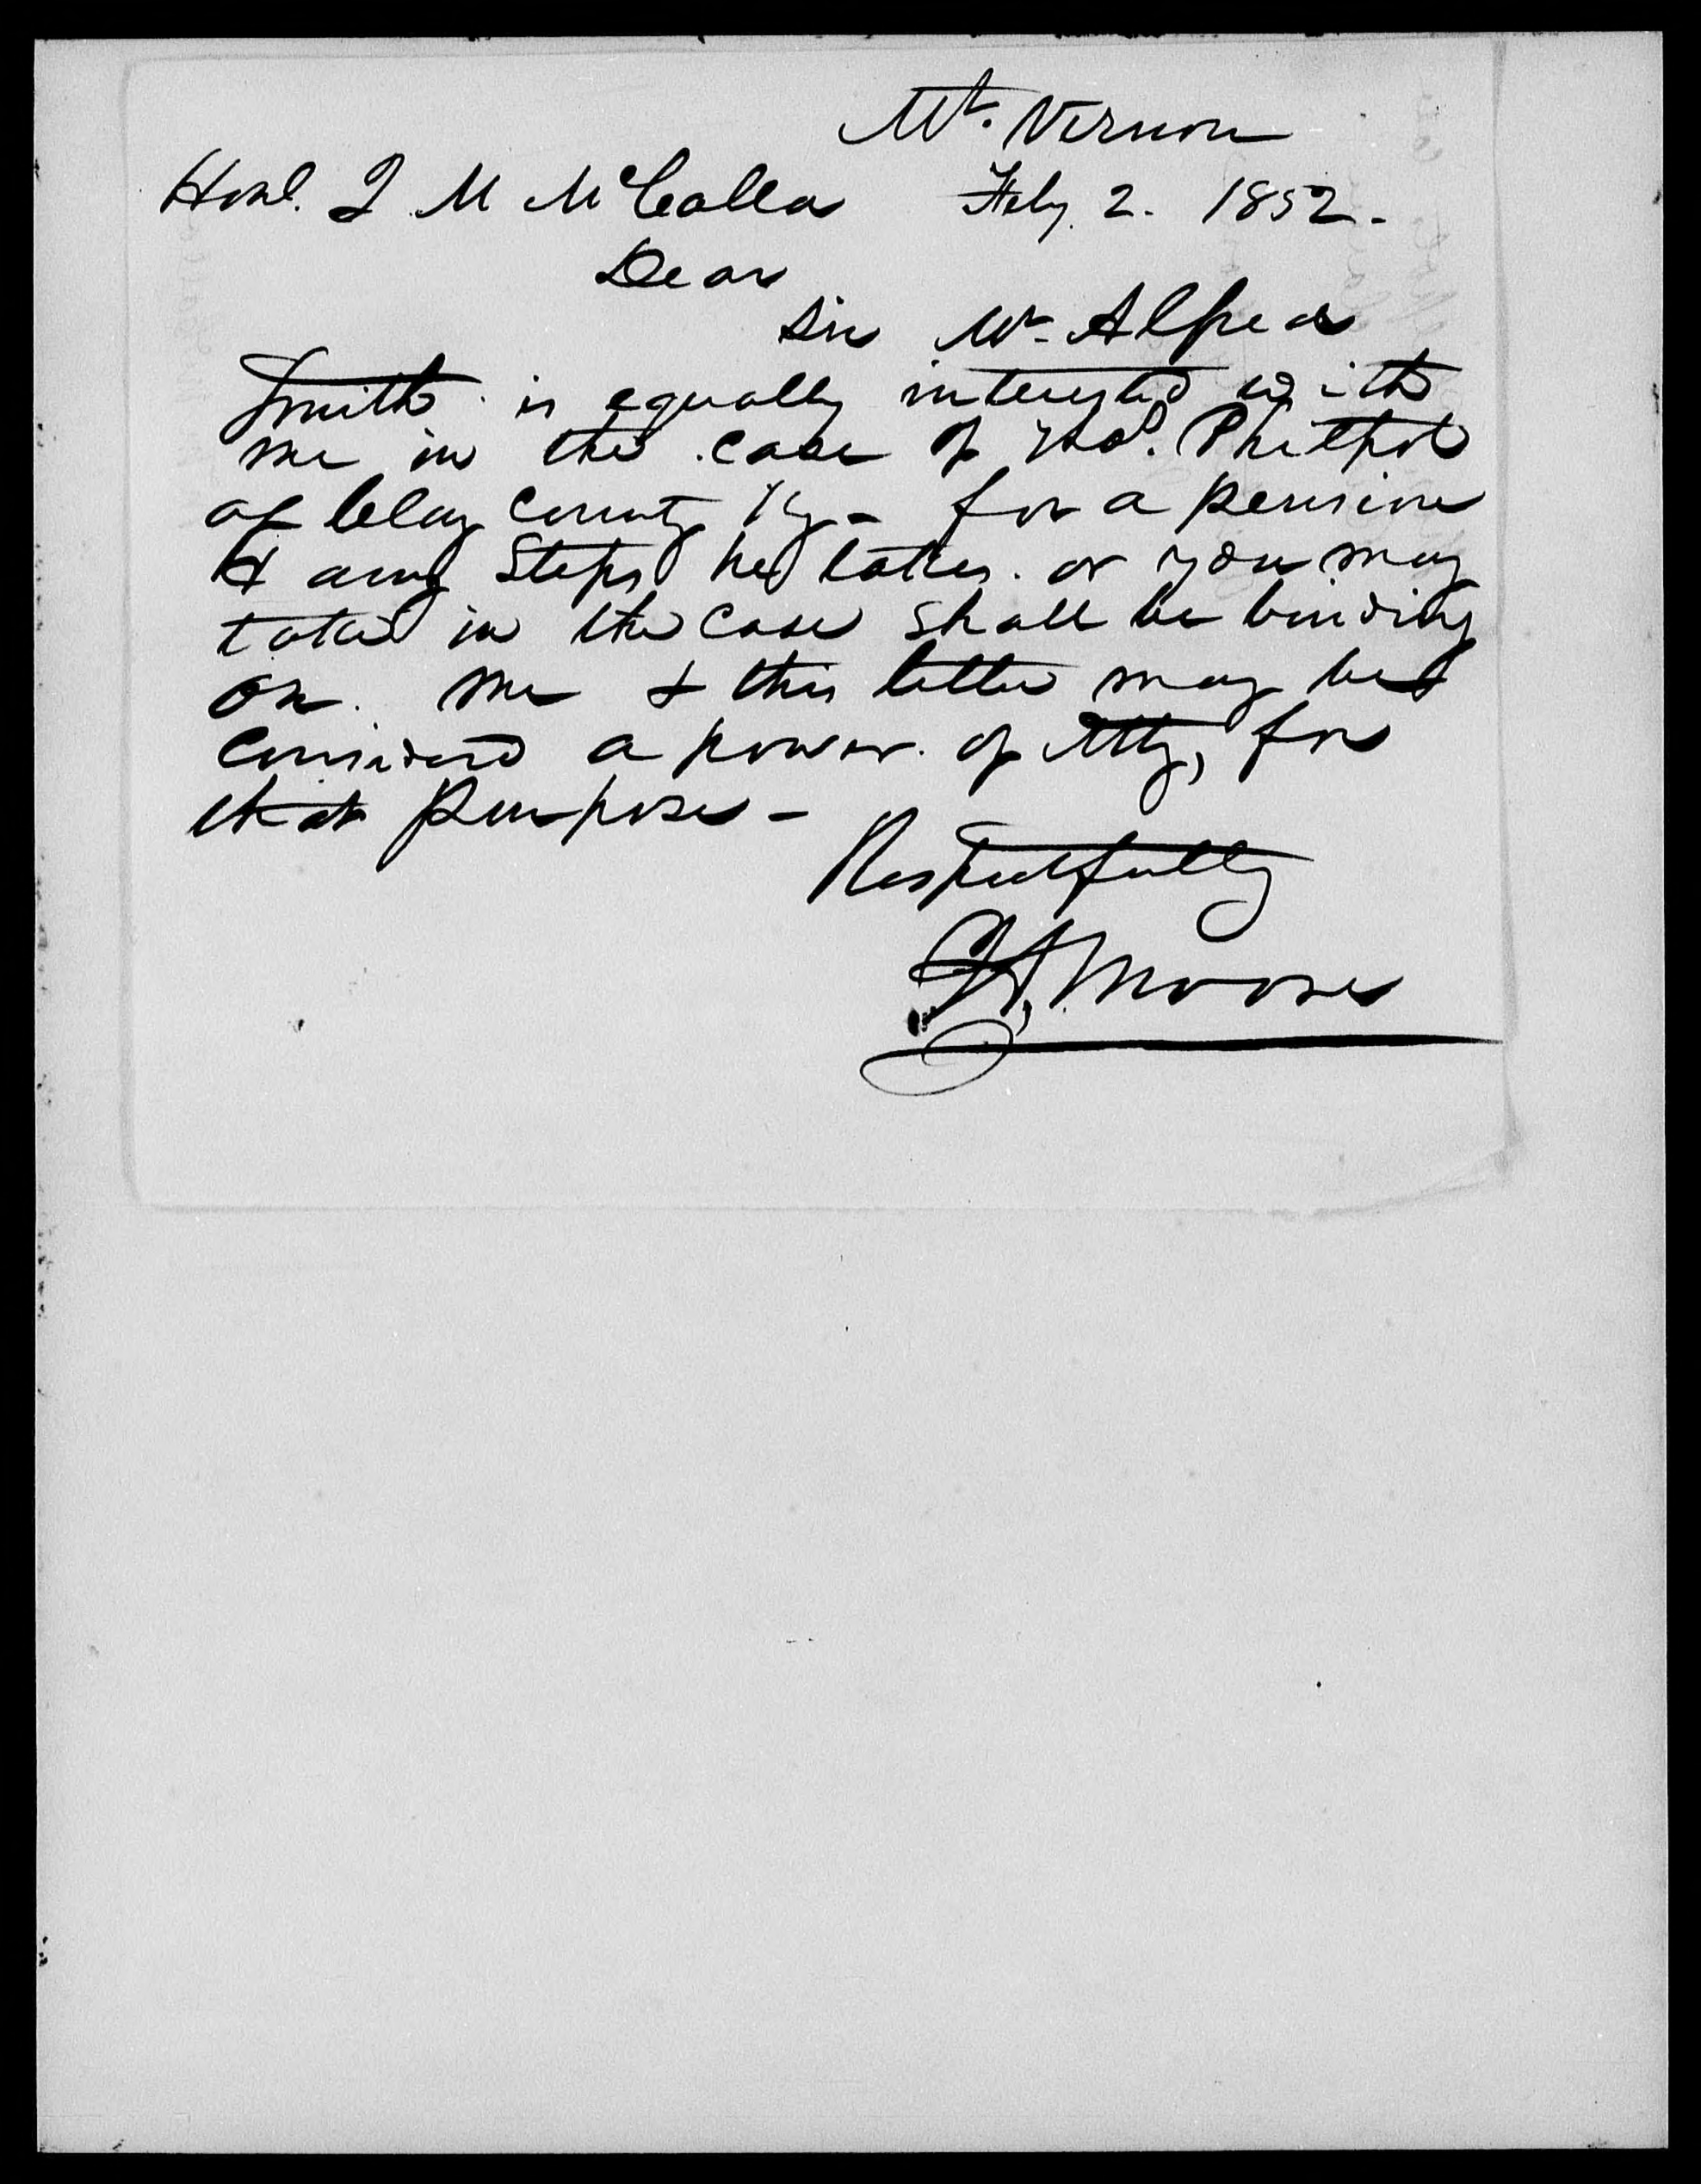Mt. Vernon
Feby 2. 1852
Honl. J M McCalla
Dear Sir
Mr Alfred Smith is equally interested
with me in the case of Thos Philpot
of Clay County for a pension &
any steps he takes or you may
take in the case shall be binding
on me & this letter may be
considered a power of Atty for
that purpose-
Respectfully
JA Moore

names: J M Mc Calla; Thos Philpot; J A Moore; Alfred Smith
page: 20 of 43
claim: rejected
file: R. 8217, for Thomas Philpot, South Carolina